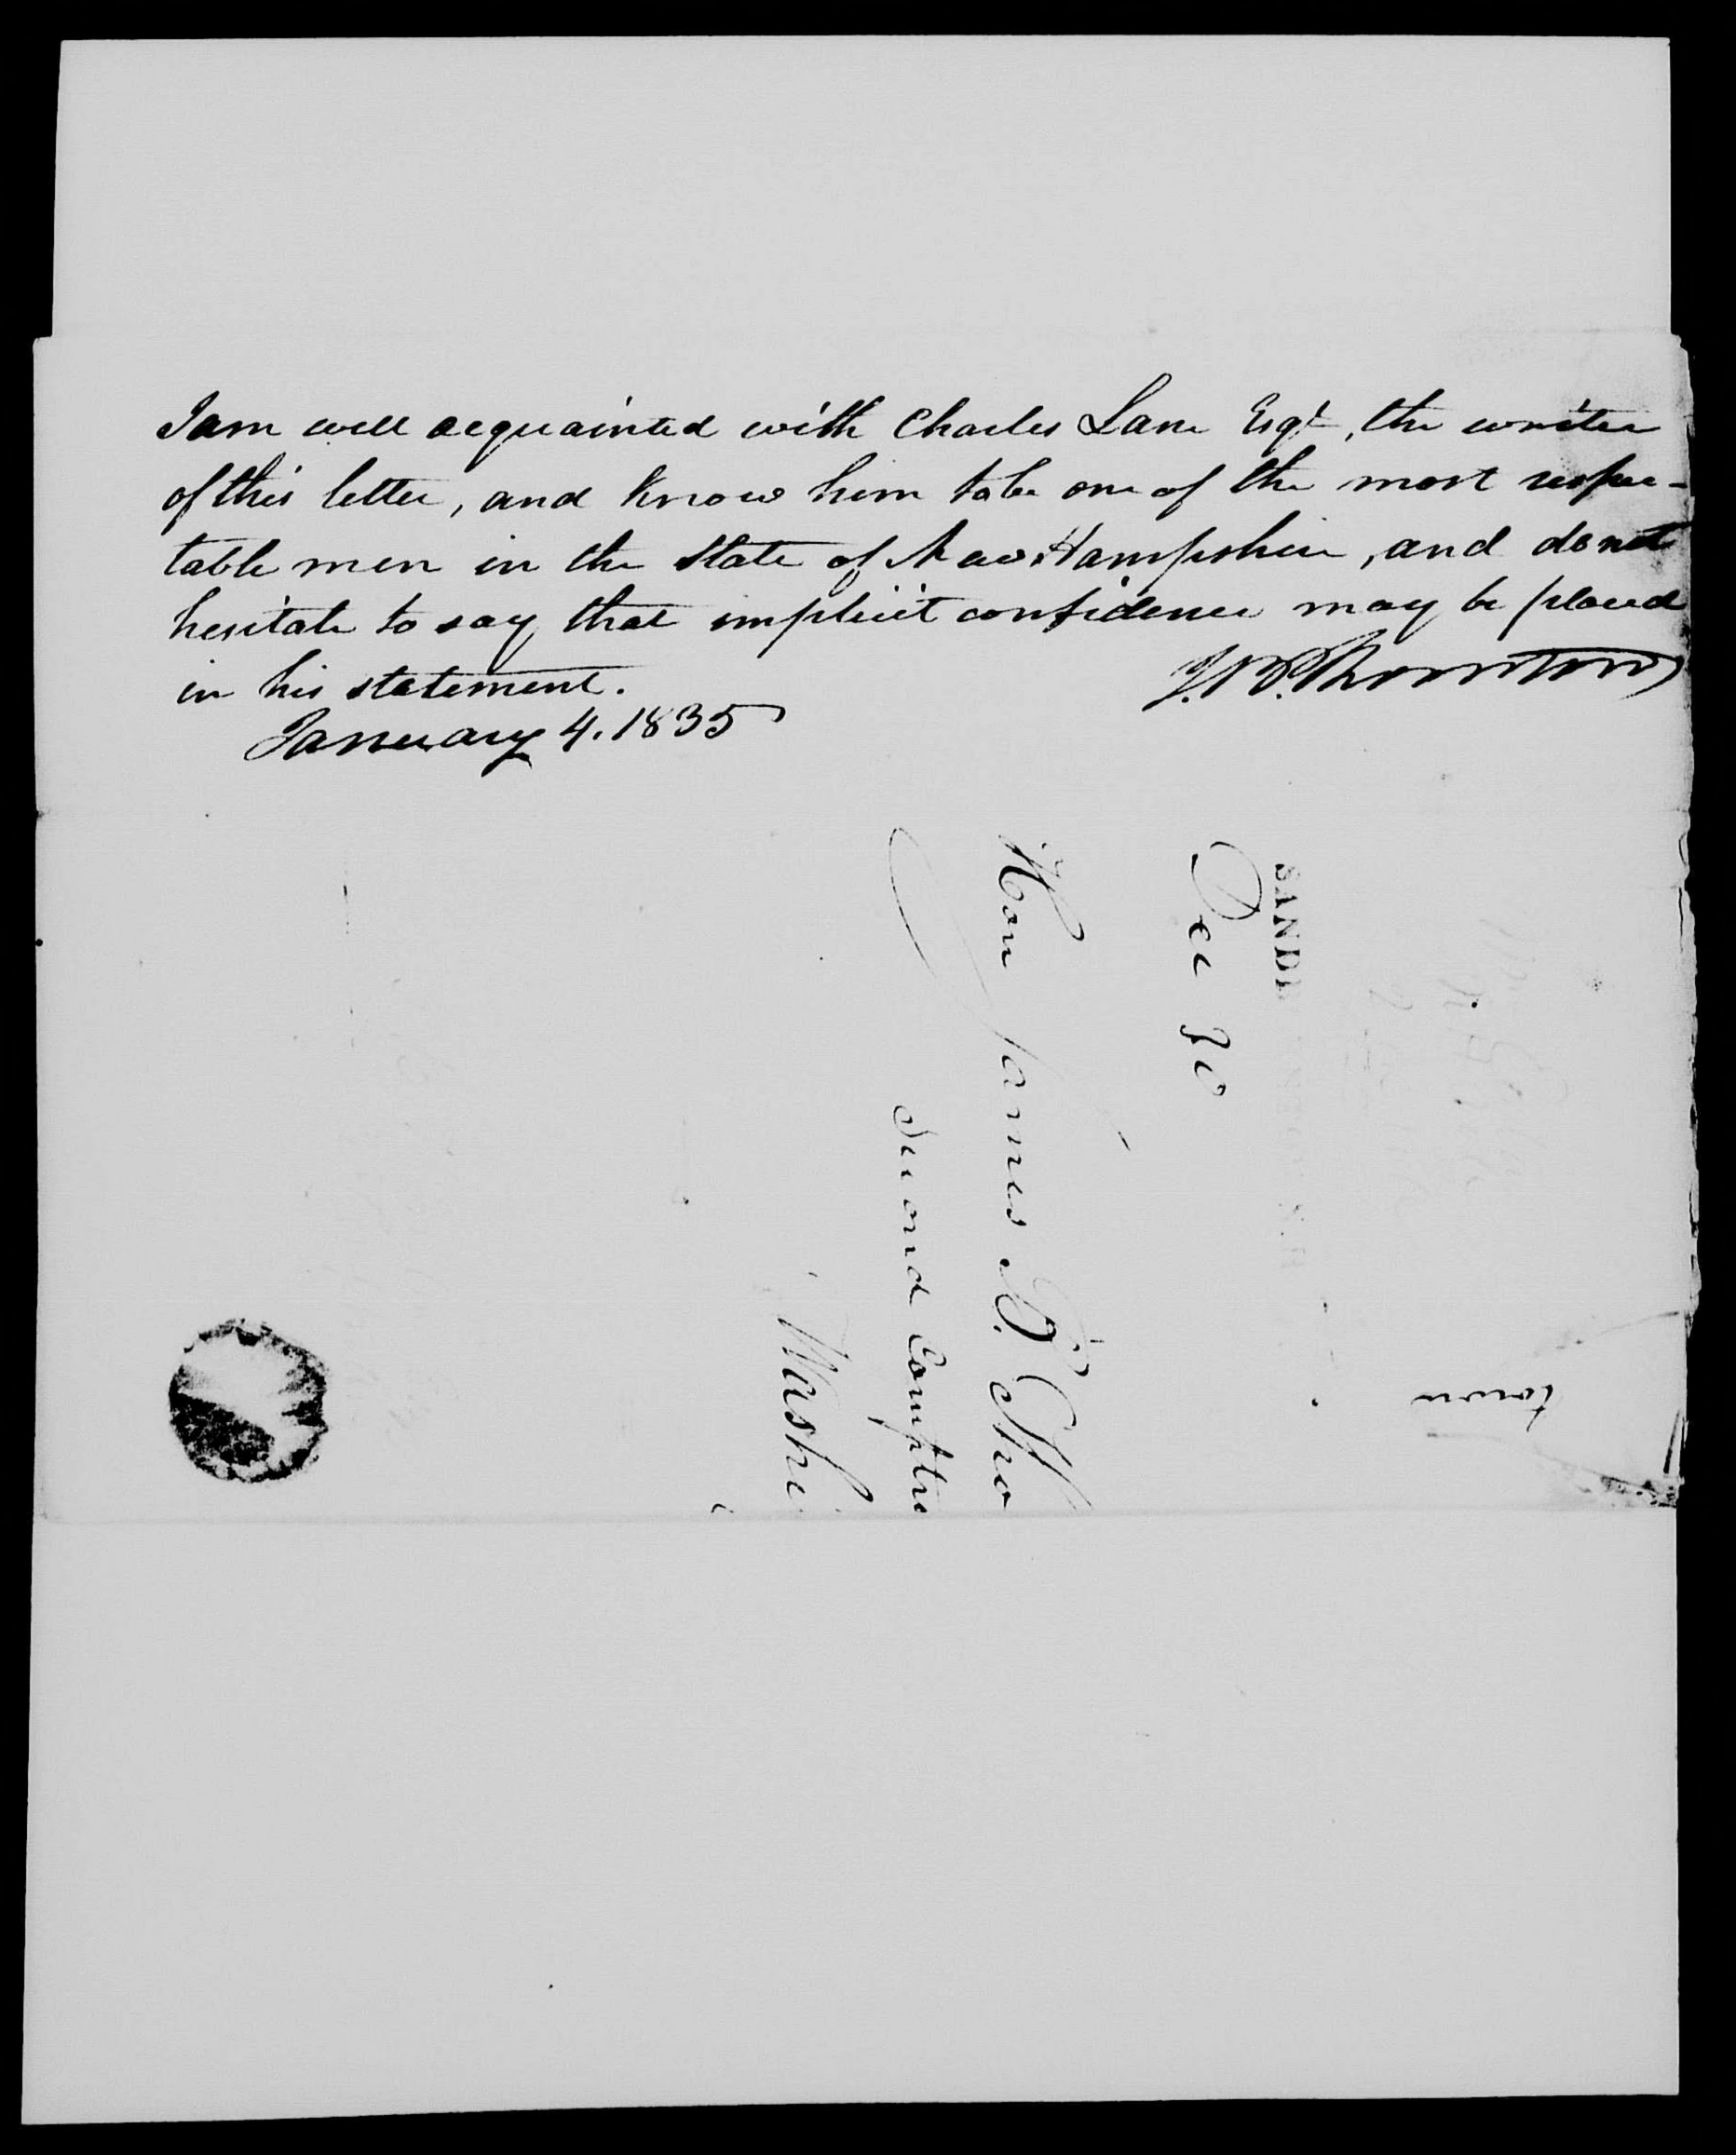I am well acquainted with Charles Lane Esq. the writer of this letter, and know him to be one of the most respectable men in the State of New Hampshire, and do not hesitate to say that implicit confidence may be placed in his statement. 
January 4. 1835 J.B.

SAND Dec 20 

Hon James B Thorn 
The Second Comptroller 
Nashua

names: J B Thornton, James B, Charles Lane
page: 19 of 21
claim: survivor's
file: S. 16374, William Eaton, Continental Mass. N.H.